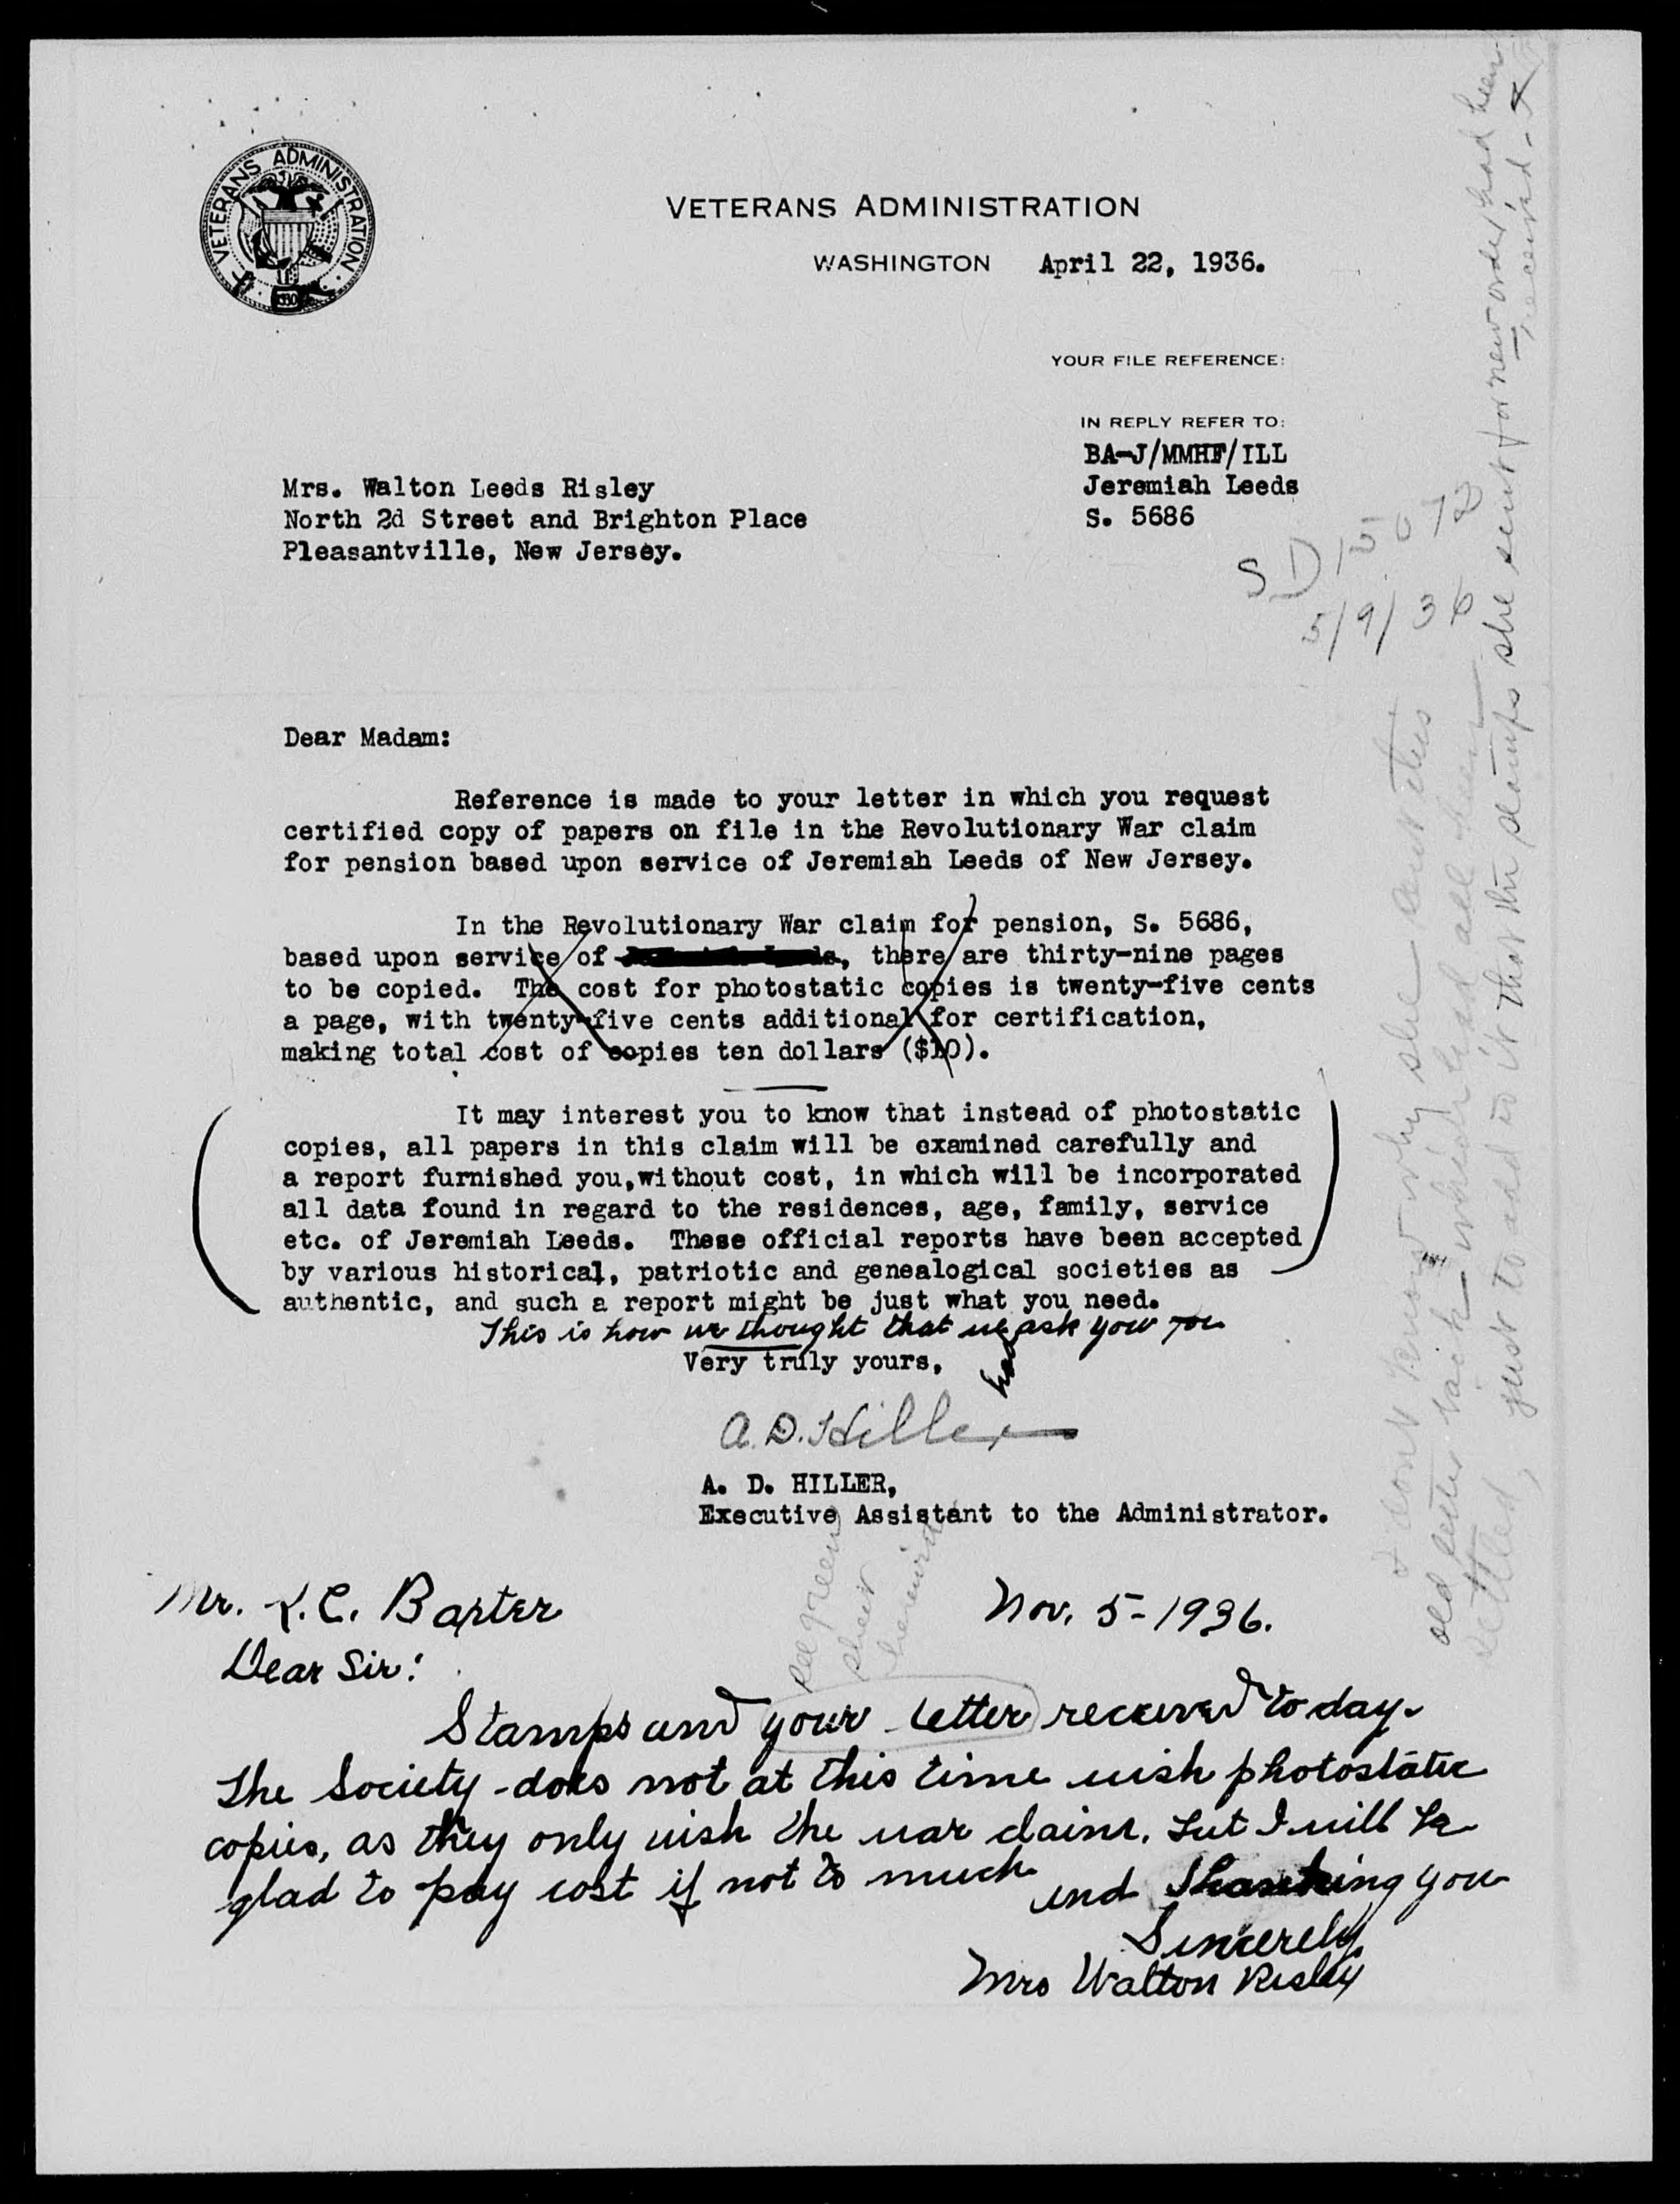Veterans Administration
Washington April 22, 1936

Your File Reference:
In Reply Refer to:
BA-J / MMHF / ILL
Jeremiah Leeds
S. 5686

SD 15072
5/9/36

Mrs. Walton Leeds Risley
North 2d Street and Brighton Place
Pleasantville, New Jersey.

Dear Madam:
Reference is made to your letter in which you request certified copy of papers on file in the Revolutionary War claim for pension based upon service of Jeremiah Leeds of New Jersey.
In the Revolutionary War claim for pension, S. 5686, based upon service of [blacked out] there are thirty-nine pages to be copied. The cost for photostatic copies is twenty-five cents a page, with twenty-five cents additional for certification, making total cost of copies ten dollars ($10).
It may interest you to know that instead of photostatic copies, all papers in this claim will be examined carefully and a report furnished you, without cost, in which will be incorporated all data found in regard to the residents, age, family, service etc. of Jeremiah Leeds. These official reports have been accepted by various historical, patriotic and genealogical societies as authentic, and such a report might be just what you need.
This is how we thought that we had ask you for
Very truly yours,
A.D. Hiller,
Executive Assistant to the Administrator.

Mr. K. C. Barter
Nov 5 - 1936
Dear Sir:
Stamps and your letter received today- The Society - does not at this time wish photostatic copies, as they only wish the war claim, but I will be glad to pay cost if not to much and thanking you
Sincerely,
Mrs Walton Risley

[written on the side]
I don't know why she sent this old letter back which had all been settled, just to add to it that the stamps she sent for new order had been received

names: Jeremiah Leeds; Walton Risley; A D Hiller; Walton Leeds Risley; K C Baxter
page: 28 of 38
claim: survivor's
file: S 31817, for James Leeds, New Jersey